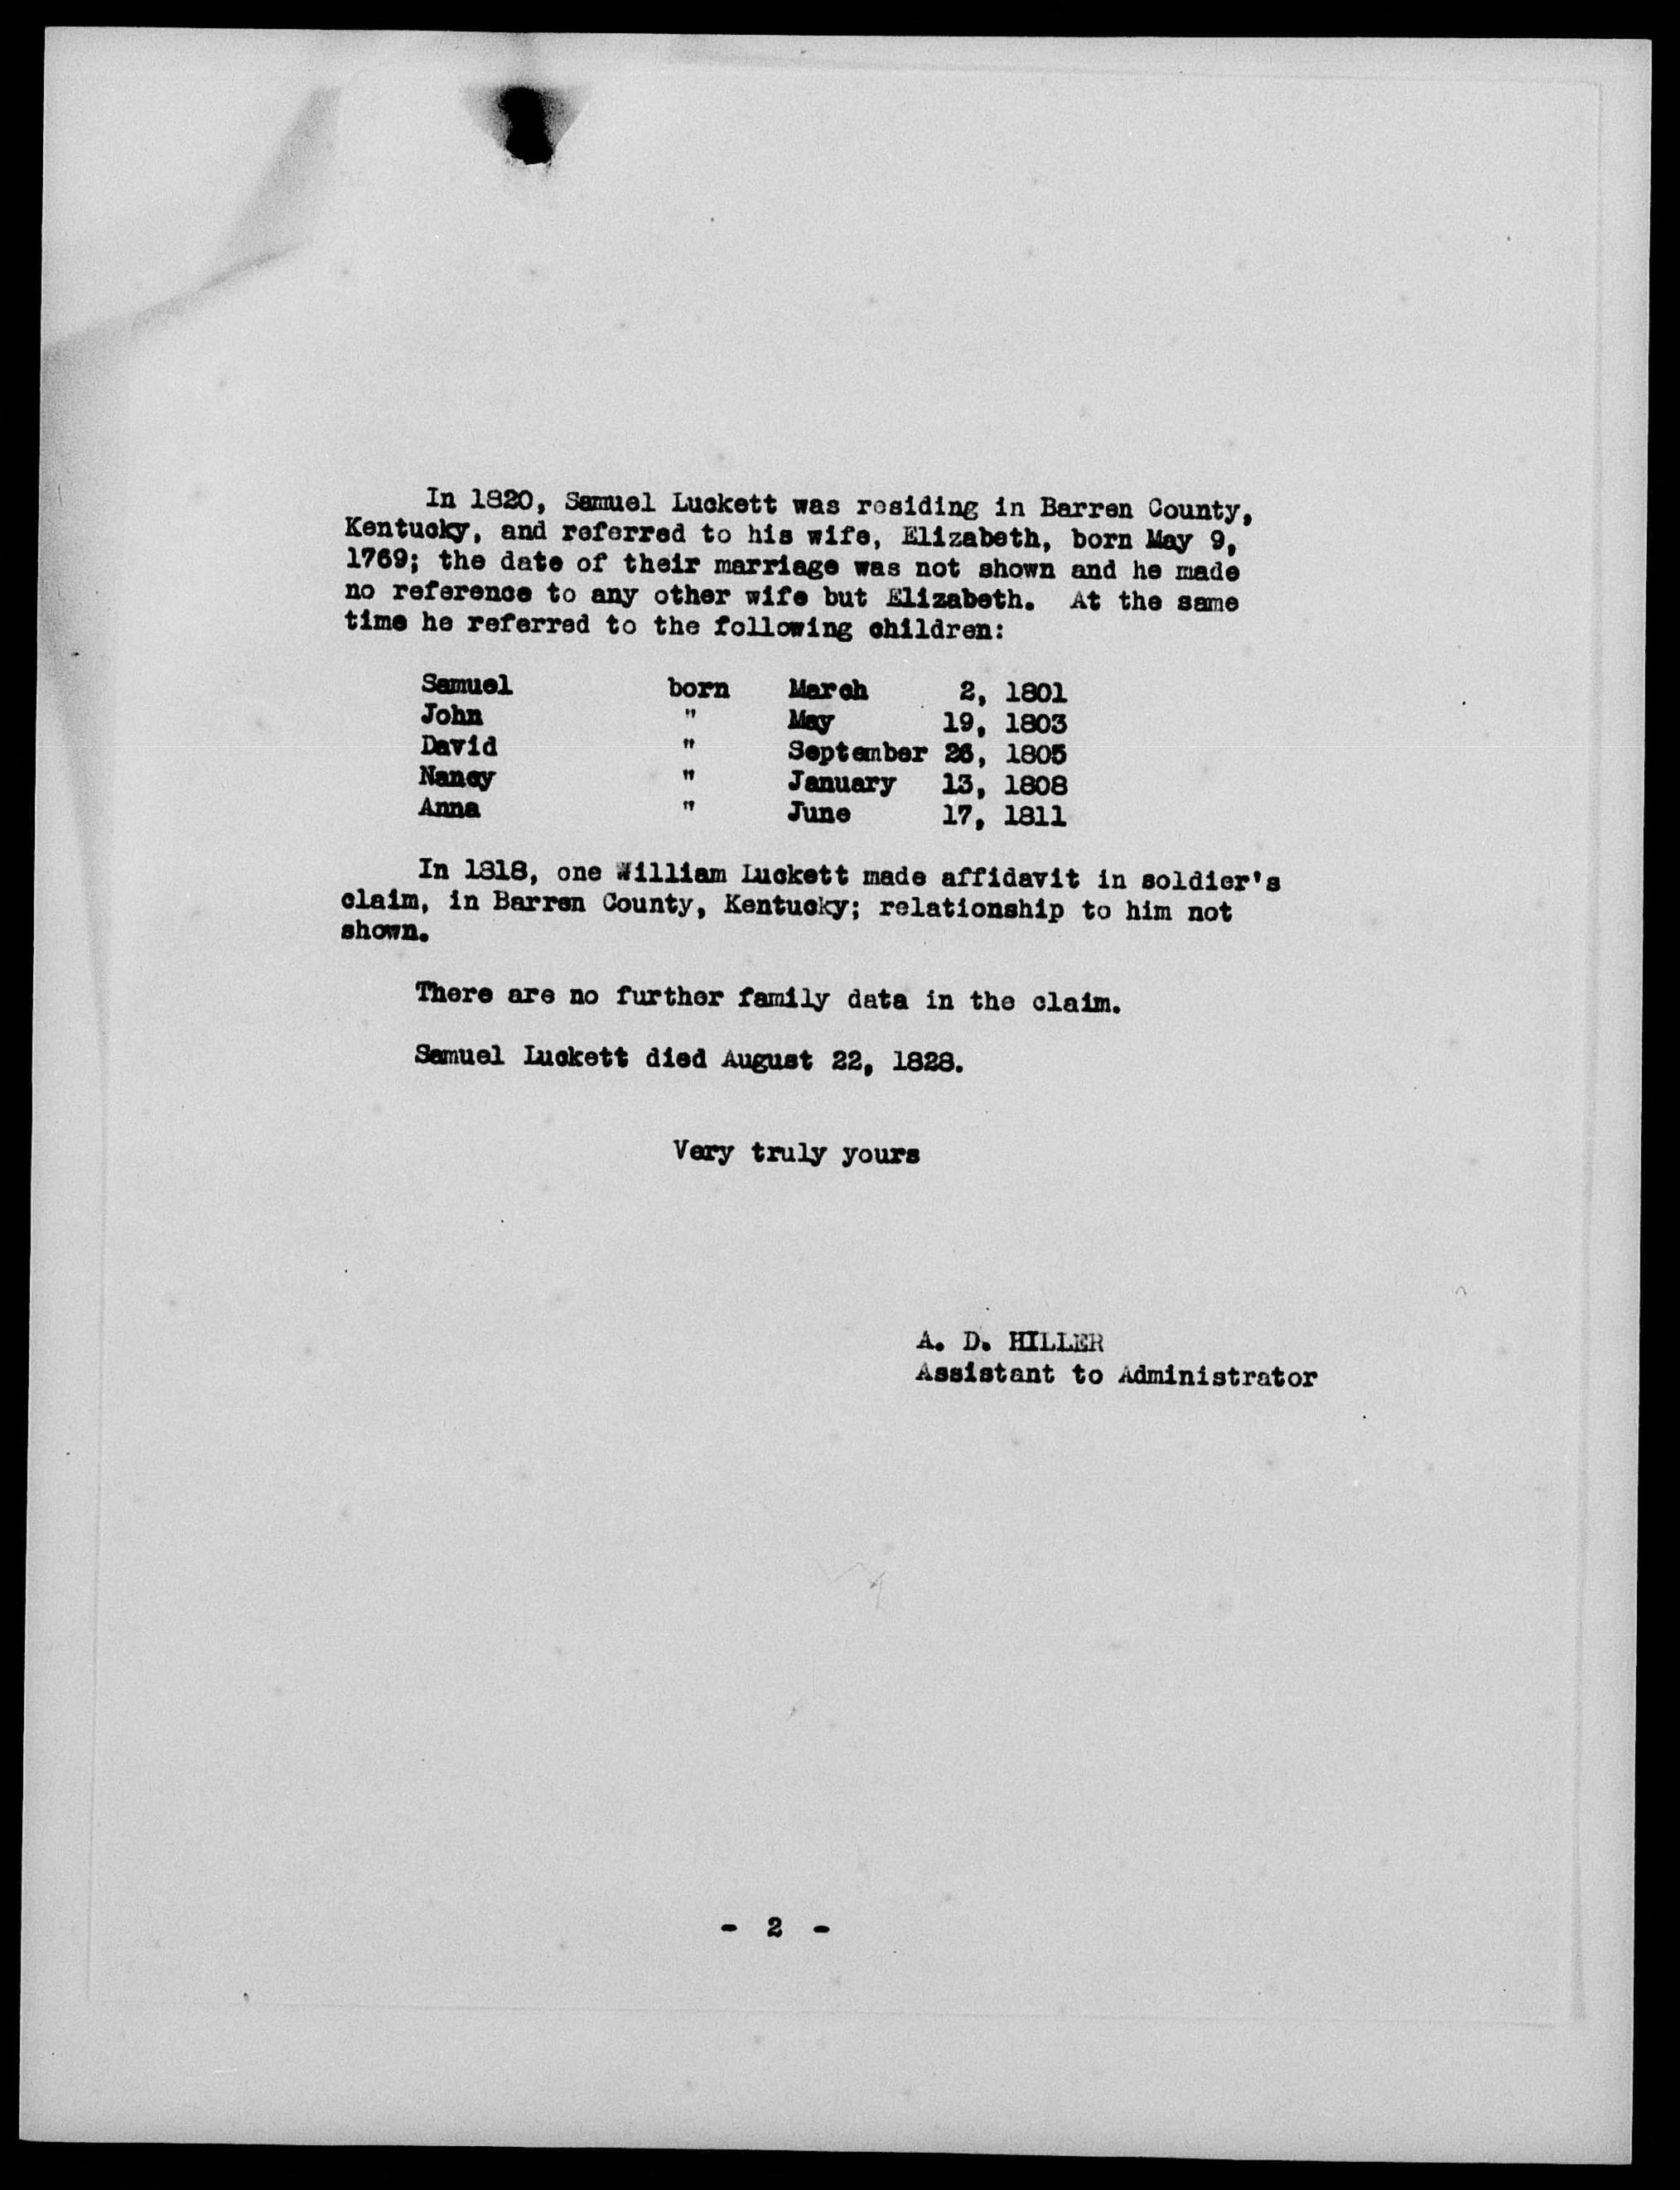In 1820, Samuel Luckett was residing in Barren County, Kentucky, and referred to his wife, Elizabeth, born May 9, 1769; the date of their marriage was not shown and he made no reference to any other wife but Elizabeth. At the same time he referred to the following children:
Samuel born March 2, 1801
John " May 19, 1803
David " September 26, 1805
Nancy " January 13, 1808
Anna " June 17, 1811
In 1818, one William Luckett made affidavit in soldier's claim, in Barren County, Kentucky; relationship to him not shown. 
There are no further family data in the claim.
Samuel Luckett died August 22, 1828.
Very truly yours
A.D. HILLER
Assistant to Administrator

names: Elizabeth [BLANK]; Samuel Luckett; John [BLANK]; Samuel [BLANK]; A D Hiller; William Luckett; David [BLANK]; Anna [BLANK]; Nancy [BLANK]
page: 11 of 34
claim: survivor's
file: S. 36,051, for Samuel Luckett, Maryland